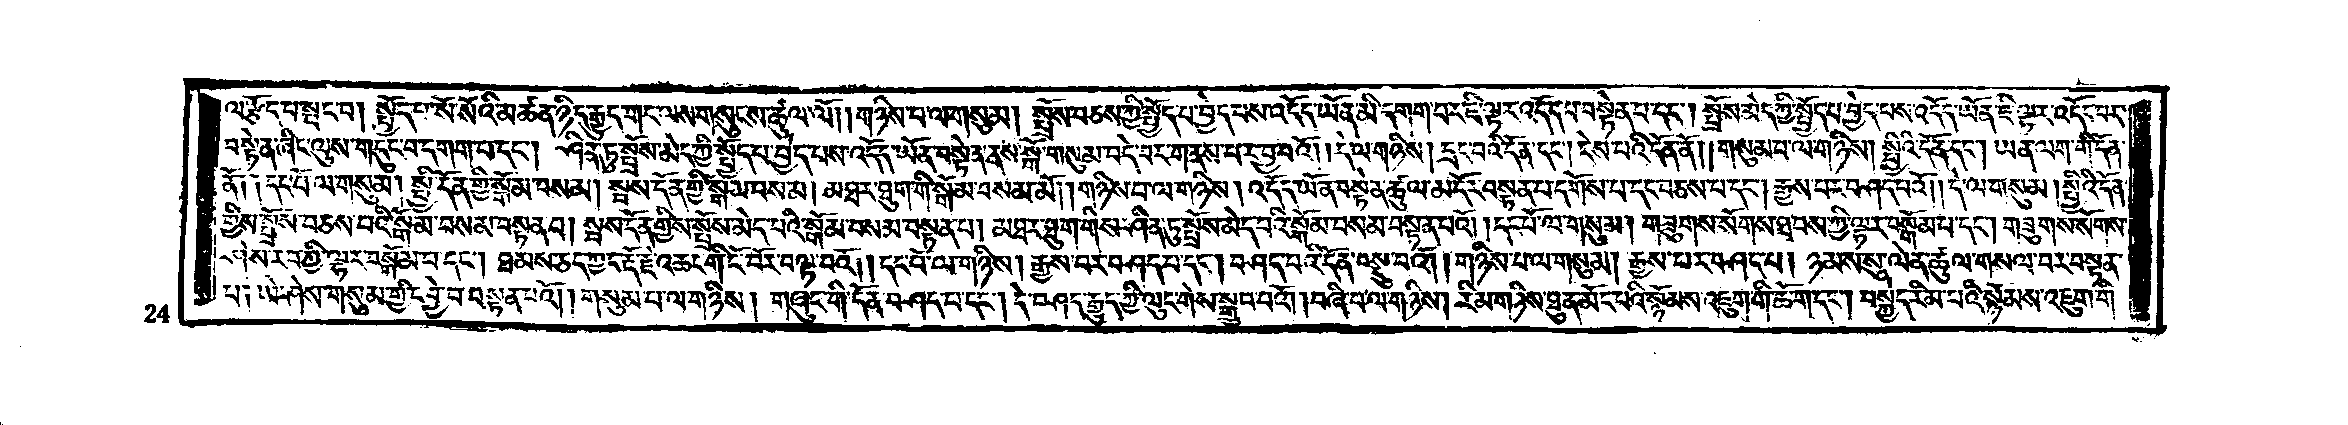ལ་རྩོད་པ་སྤང་བ། སྤྱོད་པ་སོ་སོའི་མཚན་ཉིད་རྒྱུད་གང་ལས་གསུངས་ཚུལ་ལོ། །གཉིས་པ་ལ་གསུམ། སྤྲོས་བཅས་ཀྱི་སྤྱོད་པ་བྱེད་པས་འདོད་ཡོན་མི་དགག་པར་ཇི་ལྟར་འདོད་པ་བསྟེན་པ་དང་། སྤྲོས་མེད་ཀྱི་སྤྱོད་པ་བྱེད་པས་འདོད་ཡོན་ཇི་ལྟར་འདོད་པར་
བསྟེན་ཞིང་ལུས་གདུང་བ་དགག་པ་དང་། ཤིན་ཏུ་སྤྲོས་མེད་ཀྱི་སྤྱོད་པ་བྱེད་པས་འདོད་ཡོན་བསྟེན་ནས་སྒོ་གསུམ་བདེ་བར་གནས་པར་བྱ་བའོ། །དེ་ལ་གཉིས། དྲང་བའི་དོན་དང་། ངེས་པའི་དོན་ནོ། །གསུམ་པ་ལ་གཉིས། སྤྱིའི་དོན་དང་། ཡན་ལག་གི་དོན་
ནོ༑ ༑དང་པོ་ལ་གསུམ། སྤྱི་དོན་གྱི་སྒོམ་བསམ། སྦས་དོན་གྱི་སྒོམ་བསམ། མཐར་ཐུག་གི་སྒོམ་བསམ་མོ། །གཉིས་པ་ལ་གཉིས། འདོད་ཡོན་བསྟེན་ཚུལ་མདོར་བསྟན་པ་དགོས་པ་དང་བཅས་པ་དང་། རྒྱས་པར་བཤད་པའོ། །དེ་ལ་གསུམ། སྤྱིའི་དོན་
གྱིས་སྤྲོས་བཅས་པའི་སྒོམ་བསམ་བསྟན་པ། སྦས་དོན་གྱིས་སྤྲོས་མེད་པའི་སྒོམ་བསམ་བསྟན་པ། མཐར་ཐུག་གིས་ཤིན་ཏུ་སྤྲོས་མེད་པའི་སྒོམ་བསམ་བསྟན་པའོ། །དང་པོ་ལ་གསུམ། གཟུགས་སོགས་ཐབས་ཀྱི་ལྷར་བསྒོམ་པ་དང་། གཟུགས་སོགས་
ཤེས་རབ་ཀྱི་ལྷར་བསྒོམ་པ་དང་། ཐམས་ཅད་ཀྱང་རྡོ་རྗེ་འཆང་གི་ངོ་བོར་བལྟ་བའོ། །དང་པོ་ལ་གཉིས། རྒྱས་པར་བཤད་པ་དང་། བཤད་པའི་དོན་བསྡུ་པའོ། །གཉིས་པ་ལ་གསུམ། རྒྱས་པར་བཤད་པ། ཉམས་སུ་ལེན་ཚུལ་གསལ་བར་བསྟན་
པ། ཡེ་ཤེས་གསུམ་གྱི་དབྱེ་བ་བསྟན་པའོ། །གསུམ་པ་ལ་གཉིས། གཞུང་གི་དོན་བཤད་པ་དང་། དེ་བཤད་རྒྱུད་ཀྱི་ལུང་གིས་སྒྲུབ་པའོ། །བཞི་པ་ལ་གཉིས། རིམ་གཉིས་ཐུན་མོང་པའི་སྙོམས་འཇུག་གི་ཆོ་ག་དང་། བསྐྱེད་རིམ་པའི་སྙོམས་འཇུག་གི་